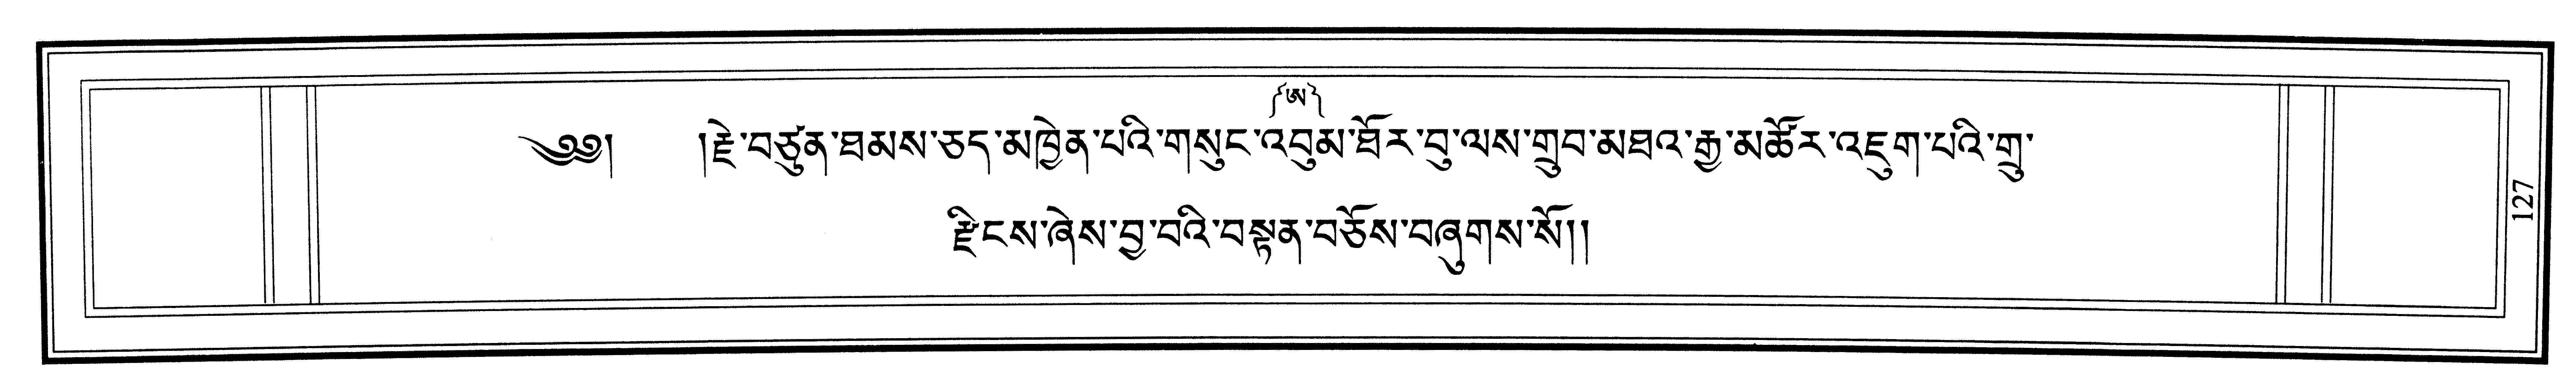༄༅། །རྗེ་བཙུན་ཐམས་ཅད་མཁྱེན་པའི་གསུང་འབུམ་ཐོར་བུ་ལས་གྲུབ་མཐའ་རྒྱ་མཚོར་འཇུག་པའི་གྲུ་
རྫིངས་ཞེས་བྱ་བའི་བསྟན་བཅོས་བཞུགས་སོ།།